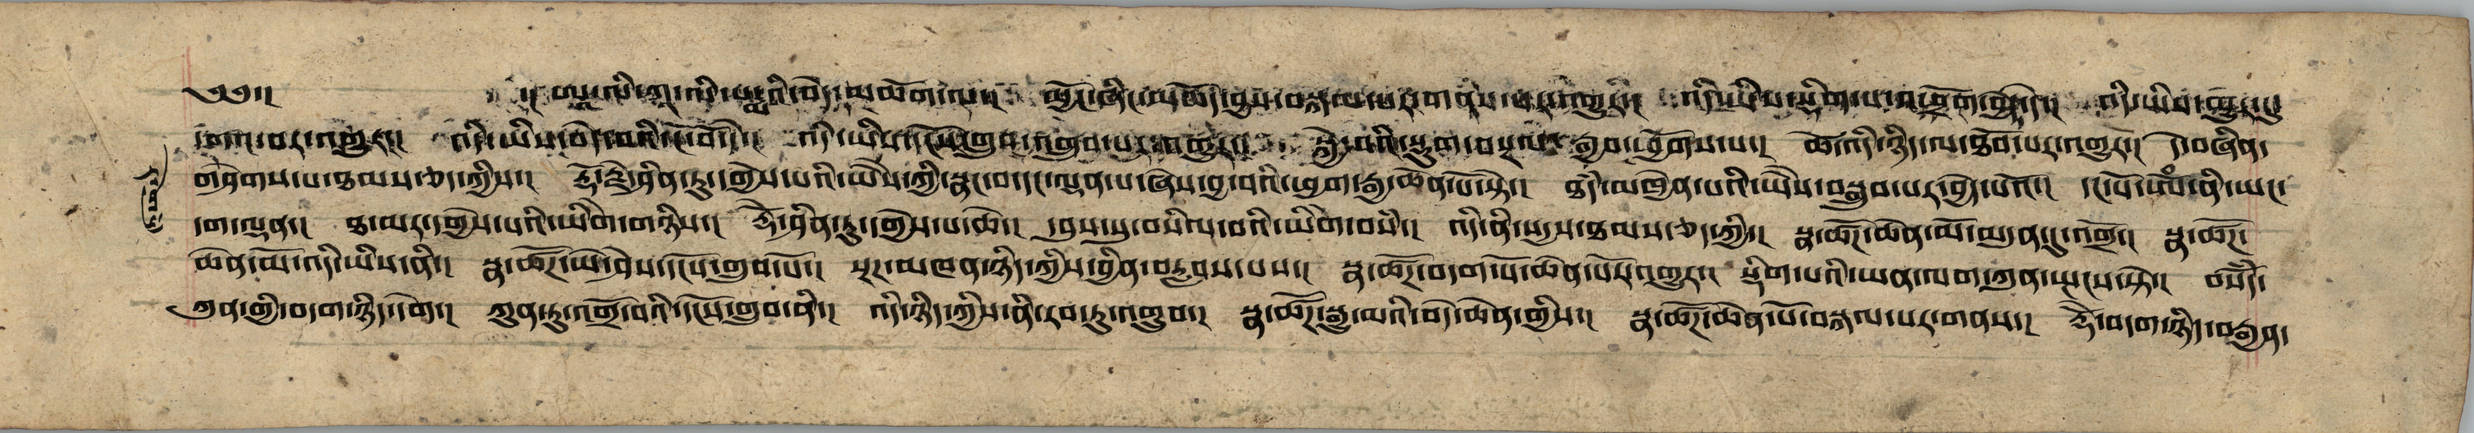༄༅་། ་།ཨཱ་ལི་ཀཱ་ལི་པདྨའི་བདེ་མཆོག་ལ་། མྱོང་ཞིང་མཆོད་བྱས་བསྐལ་པར་གནས་པར་གྱུར་། འདི་ཡིས་སྡིག་པ་འཕྲོག་བྱེད་དེ་། འདི་ཡིས་མྱུར་དུ་
དགའ་བར་འགྱུར་། འདི་ཡིས་བདེ་བའི་ངོ་བོ་དེ་། འདི་ཡིས་དངོས་གྲུབ་འགྲུབ་པར་འགྱུར་། སྐྱེ་བའི་སྡུག་བསྔལ་རྒྱབ་ཕྱོགས་པ་། ཚེ་འདི་ཉིད་ལ་ཐོབ་པར་འགྱུར་། དེ་བཞིན་
གཤེགས་པ་ཐམས་ཅད་ཀྱིས་། རྡོ་རྗེ་ཤིན་ཏུ་དགྱེས་པའི་ཡཻས་ཀྱི་སྣང་བ་དང་ལྡན་པ་ཞེས་བྱ་བའི་ཕྱག་རྒྱ་ཆེན་པོ་སྟེ་། ཐདཾ་མཁྱེན་པའི་ཡཻས་བསྒྲུབ་པར་བྱེད་པའོ་། དང་པོ་ཨོཾ་ནི་ཡང་
དག་ལྡན་། ཐ་མར་དགྱེས་པའི་ཡིགེ་གཉིས་། རྡོེ་ཤིན་ཏུ་དགྱེས་པ་ཆེ་། དབུས་སུ་བསིལ་བའི་ཡིགེ་བསཾ་། འདི་ནི་སདྱས་ཐམས་ཅད་ཀྱི་། སྣ་ཚོགས་ཆེན་མོ་མདུན་དུ་འགྲོ་། སྣ་ཚོཌ་
ཆེན་མོ་འདི་ཡིས་ནི་། སྣ་ཚོཌ་ཡེ་ཤེས་དངོས་གྲུབ་པོ་། སྔཌ་མཁན་ཉིད་ཀྱིས་བྱིན་བརླབས་པས་། སྣ་ཚོཌ་བདག་པོ་ཆེན་པོར་འགྱུར་། སྡིག་པའི་ཡན་ལག་ཀུན་སྤངས་སྟེ་། བསོདཾ་
ཀུན་གྱི་བདག་ཉིད་བདེ་། ཀུན་ཏུ་འགྲོ་བའི་དངོས་གྲུབ་ནི་། འདི་ཉིད་ཀྱིས་ནི་རབ་ཏུ་འགྲུབ་། སྣ་ཚོཌ་སྒྱུ་མའི་བདེ་ཆེན་གྱིས་། སྣ་ཚོཌ་ཆེན་པོ་བསྐལ་པར་གནས་། རྡོེ་བདག་ཉིད་བརྒྱན་